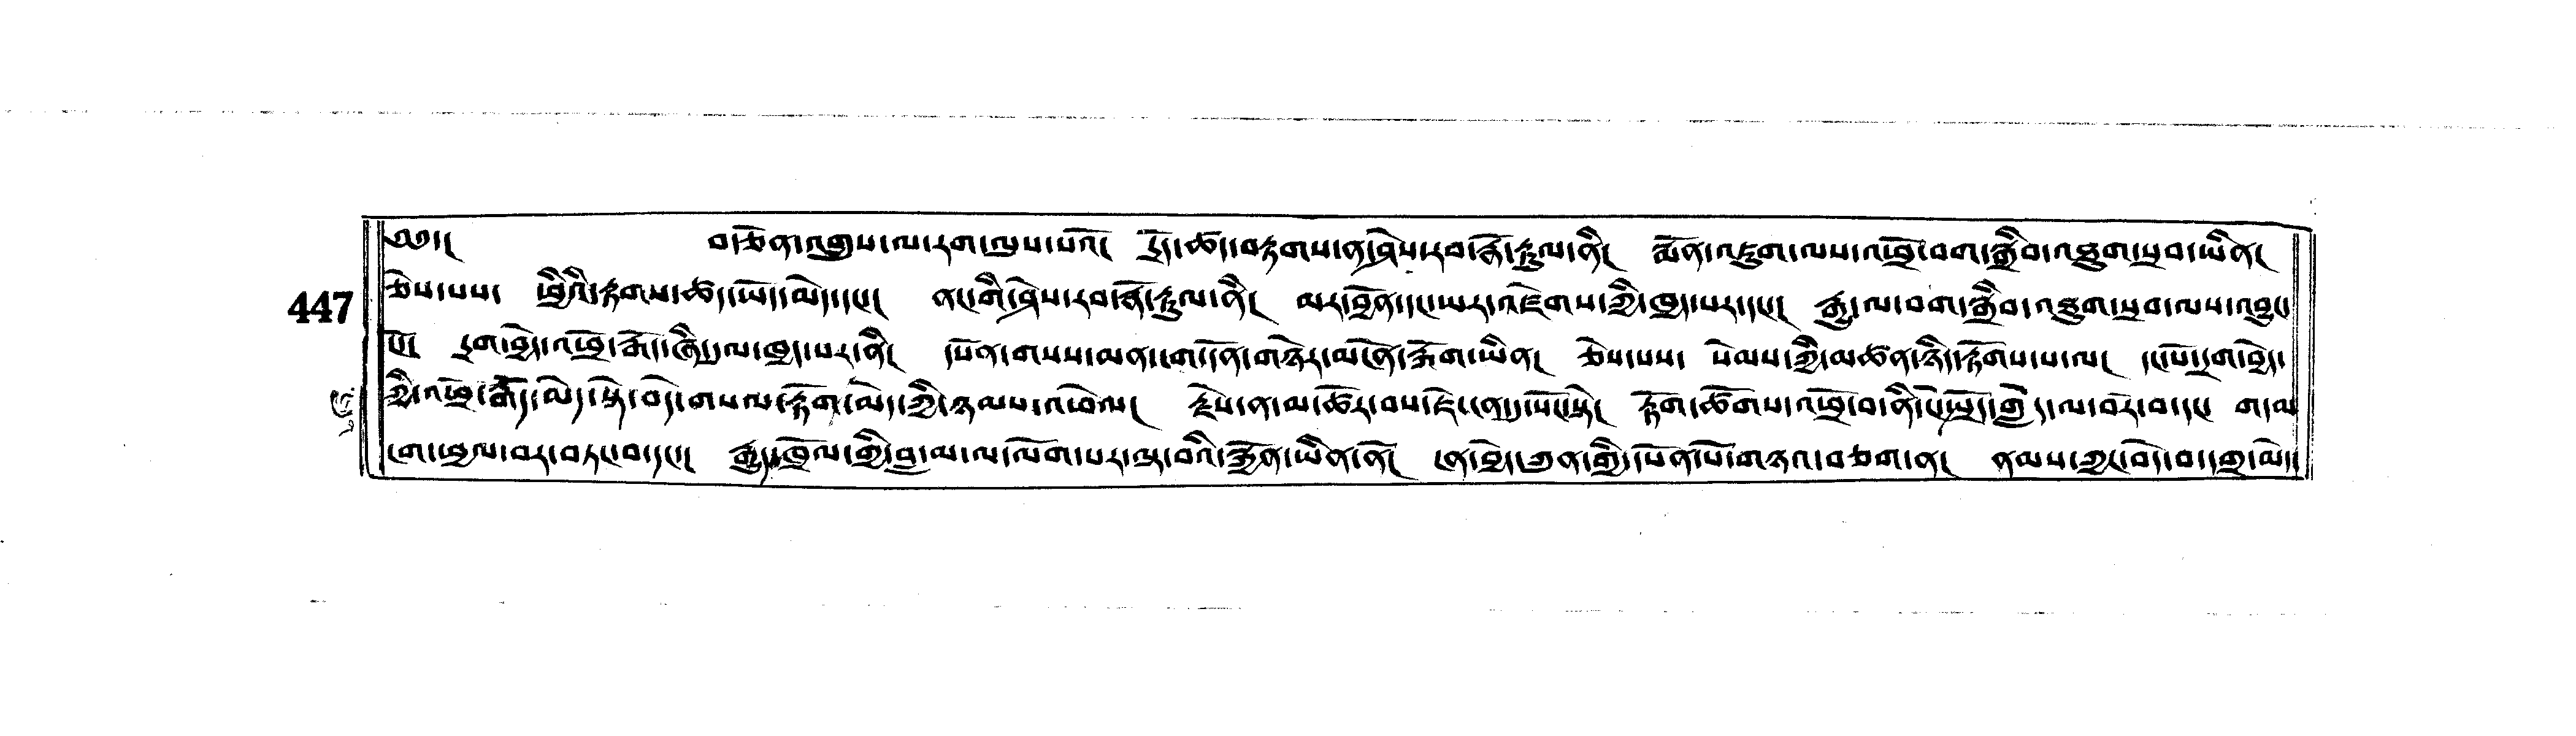བརྩོན་འགྲུས་ལ་རག་ལུས་པའོ། དྲོད་ཚད་བརྟག་ན་ཤེས་རབ་རྣོ་རྟུལ་ནི། སྨོན་འཇུག་ལས་འཕྲོ་བ་སྒྲིབ་མཐུག་སྲབ་ཡིན། 
ཅེས་པས། ཕྱི་ཡི་རྟགས་ཚད་ཡོད་མེད་དང་། ནང་གི་ཤེས་རབ་རྣོ་རྟུལ་ནི། མར་བྱོན་དང་ཡར་འཛེགས་ཀྱི་ཁྱད་པར་དང་། རྒྱུ་ལ་བག་སྒྲིབ་མཐུག་སྲབ་ལས་འབྱུང་
ངོ་། དྲག་བྱེད་འཕྲོ་རྒོད་ཞི་དུལ་ཁྱད་པར་ནི། དཔོན་གསས་མན་ངག་དོན་གཉེར་མངོན་ལྐོག་ཡིན། ཅེས་པས། སེམས་ཀྱི་མཚན་ཉིད་རྟོགས་པ་ལ། དང་པོ་དྲག་བྱེད་
ཀྱི་འཕྲོ་རྒོད་མེད་སྟེ། བདེ་གསལ་རྟོག་མེད་ཀྱི་ཉམས་འཕེལ། རྗེས་ནས་མ་ཚོར་བས་ཇེ་ངན་དུ་སོང་སྟེ། རྟོག་ཚོགས་འཕྲོ་བ་དང་ངོ་སྤྲོད་གླེད་ལ་བོར་བ་དང་། གདམ་
ངག་ཕྱལ་བར་བཏང་བ་དང་། རྒྱུད་ཁྲོལ་གྱི་བླ་མ་ལ་ལོག་པར་བལྟ་བའི་སྐྱོིན་ཡིན་ནོ། ངན་བྱེད་ཀུན་གྱི་དཔོན་པོ་གཉའ་བཅག་ན། ནམ་ཀྱང་བདེ་བ་དགྲ་མེད་